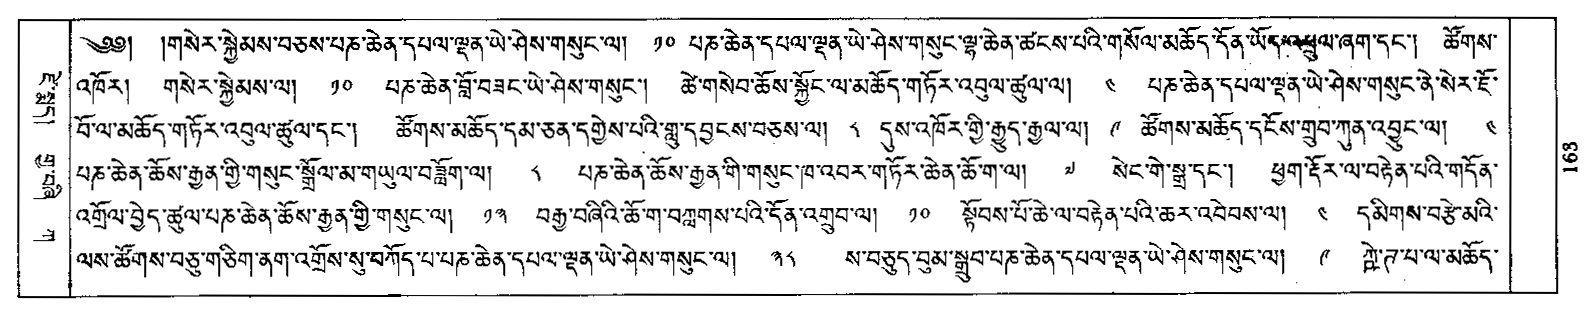༄༅། །གསེར་སྐྱེམས་བཅས་པཎ་ཆེན་དཔལ་ལྡན་ཡེ་ཤེས་གསུང་ལ། ༡༠་པཎ་ཆེན་དཔལ་ལྡན་ཡེ་ཤེས་གསུང་ལྷ་ཆེན་ཚངས་པའི་གསོལ་མཆོད་དོན་ཡོད་འཕྲུལ་ཞག་དང་། ཚོགས་
འཁོར། གསེར་སྐྱེམས་ལ། ༡༠་པཎ་ཆེན་བློ་བཟང་ཡེ་ཤེས་གསུང་། ཚེ་གསེབ་ཆོས་སྐྱོང་ལ་མཆོད་གཏོར་འབུལ་ཚུལ་ལ། ༤་པཎ་ཆེན་དཔལ་ལྡན་ཡེ་ཤེས་གསུང་ནེ་སེར་ཇོ་
བོ་ལ་མཆོད་གཏོར་འབུལ་ཚུལ་དང་། ཚོགས་མཆོད་དམ་ཅན་དགྱེས་པའི་གླུ་དབྱངས་བཅས་ལ། ༨་དུས་འཁོར་གྱི་རྒྱུད་རྒྱལ་ལ། ༩་ཚོགས་མཆོད་དངོས་གྲུབ་ཀུན་འབྱུང་ལ། ༤
པཎ་ཆེན་ཆོས་རྒྱན་གྱི་གསུང་སྒྲོལ་མ་གཡུལ་བཟློག་ལ། ༨་པཎ་ཆེན་ཆོས་རྒྱན་གྱི་གསུང་ཁ་འབར་གཏོར་ཆེན་ཆོ་ག་ལ། ༧་སེང་གེ་སྒྲ་དང་། ཕྱག་རྡོར་ལ་བརྟེན་པའི་གདོན་
འགྲོལ་བྱེད་ཚུལ་པཎ་ཆེན་ཆོས་རྒྱན་གྱི་གསུང་ལ། ༡༣་བརྒྱ་བཞིའི་ཆོ་ག་བཀླགས་པའི་དོན་འགྲུབ་ལ། ༡༠་སྟོབས་པོ་ཆེ་ལ་བརྟེན་པའི་ཆར་འབེབས་ལ། ༤་དམིགས་བརྩེ་མའི་
ལས་ཚོགས་བཅུ་གཅིག་ནག་འགྲོས་སུ་བཀོད་པ་པཎ་ཆེན་དཔལ་ལྡན་ཡེ་ཤེས་གསུང་ལ། ༣༨་ས་བཅུད་བུམ་སྒྲུབ་པཎ་ཆེན་དཔལ་ལྡན་ཡེ་ཤེས་གསུང་ལ། ༩་ཀཥེ་ཊ་པ་ལ་མཆོད་